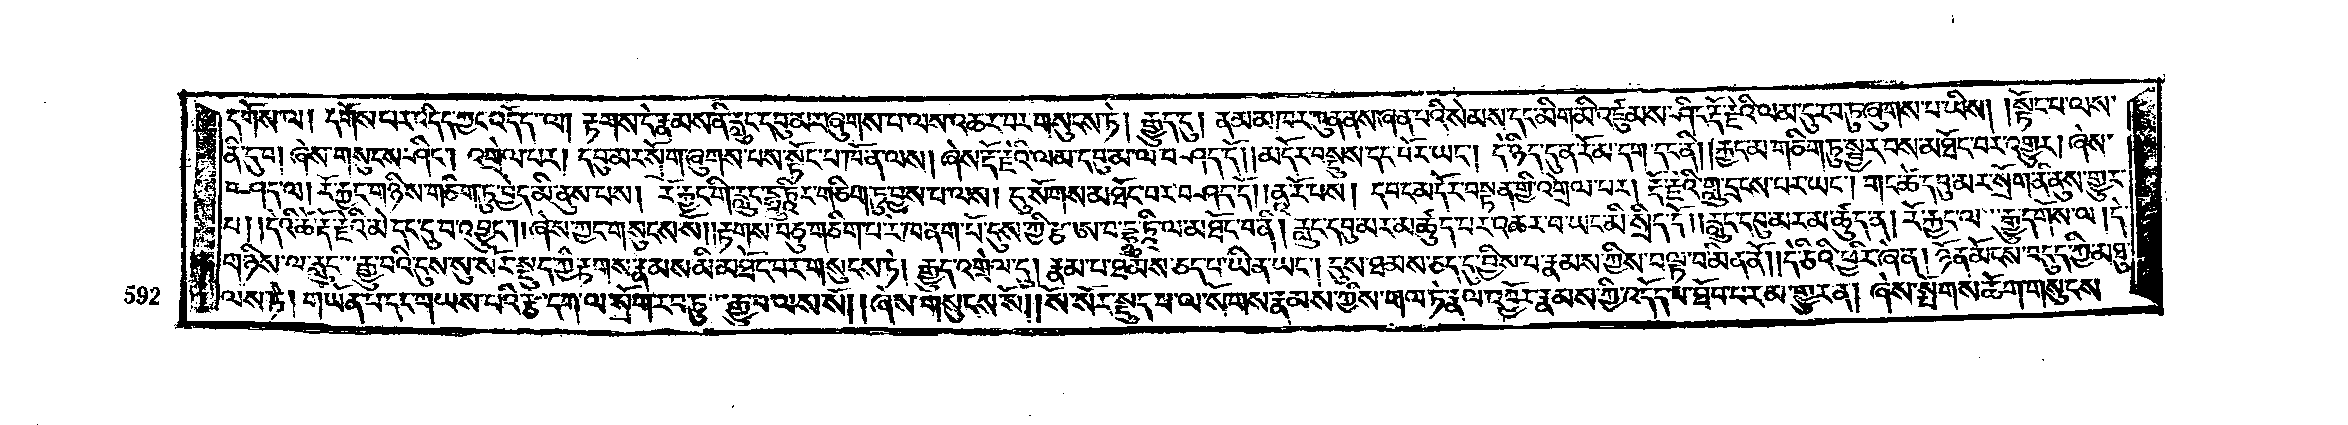དགོས་ལ། དགོས་པར་འདོད་ཀྱང་འདོད་ལ། རྟགས་དེ་རྣམས་ནི་རླུང་དབུ་མར་ཞུགས་པ་ལས་འཆར་བར་གསུངས་ཏེ། རྒྱུད་དུ། ནམ་མཁར་ཀུན་ནས་ཞེན་པའི་སེམས་དང་མིག་མི་འཛུམས་ཤིང་རྡོ་རྗེའི་ལམ་དུ་རབ་ཏུ་ཞུགས་པ་ཡིས། །སྟོང་པ་ལས་
ནི་དུ་བ། ཞེས་གསུངས་ཤིང་། འགྲེལ་པར། དབུ་མར་སྲོག་ཞུགས་པས་སྟོང་པ་ཁོ་ན་ལས། ཞེས་རྡོ་རྗེའི་ལམ་དབུ་མ་ལ་བཤད་དོ། །མདོར་བསྡུས་དང་པོར་ཡང་། དེ་ཉིད་དུ་ན་རོ་མ་དག་དང་ནི། །རྐྱང་མ་གཅིག་ཏུ་སྦྱར་བས་མཐོང་བར་འགྱུར། ཞེས་
བཤད་ལ། རོ་རྐྱང་གཉིས་གཅིག་ཏུ་བྱེད་མི་ནུས་པས། རོ་རྐྱང་གི་རླུང་དྷཱུ་ཏཱིར་གཅིག་ཏུ་བྱས་པ་ལས། དུ་སོགས་མཐོང་བར་བཤད་དོ། །ནཱ་རོ་པས། དབང་མདོར་བསྟན་གྱི་འགྲེལ་པར། རྡོ་རྗེའི་གླུ་དྲངས་པར་ཡང་། གང་ཚེ་དབུ་མར་སྲོག་ནི་ནུས་གྱུར་
པ། །དེའི་ཚེ་རྡོ་རྗེའི་མེ་དང་དུ་བ་འབྱུང་། །ཞེས་ཀྱང་གསུངས་སོ། །རྟགས་བཅུ་གཅིག་པ་རེ་ཁ་ནག་པོ་དུས་ཀྱི་རྩ་ཨ་བ་དྷཱུ་ཏཱི་ལ་མཐོང་བ་ནི། རླུང་དབུ་མར་མ་ཚུད་པར་འཆར་བ་ཡང་མི་སྲིད་དོ། །རླུང་དབུ་མར་མ་ཚུད་ན། རོ་རྐྱང་ལ་རྒྱུ་དགོས་ལ། དེ་
གཉིས་ལ་རླུང་རྒྱུ་བའི་དུས་སུ་སོར་སྡུད་ཀྱི་རྟགས་རྣམས་མི་མཐོང་བར་གསུངས་ཏེ། རྒྱུད་འགྲེལ་དུ། རྣམ་པ་ཐམས་ཅད་པ་ཡིན་ཡང་། དུས་ཐམས་ཅད་དུ་བྱིས་པ་རྣམས་ཀྱིས་བལྟ་བ་མིན་ནོ། །དེ་ཅིའི་ཕྱིར་ཞེ་ན། ཉོན་མོངས་བདུད་ཀྱི་མཐུ་
ལས་ཏེ། གཡོན་པ་དང་གཡས་པའི་རྩ་དག་ལ་སྲོག་རབ་ཏུ་རྒྱུ་བ་ལས་སོ། །ཞེས་གསུངས་སོ། །སོ་སོར་སྡུད་པ་ལ་སོགས་རྣམས་ཀྱིས་གལ་ཏེ་རྣལ་འབྱོར་རྣམས་ཀྱི་འདོད་པ་ཐོབ་པར་མ་གྱུར་ན། ཞེས་སྤོགས་ཆོག་གསུང་